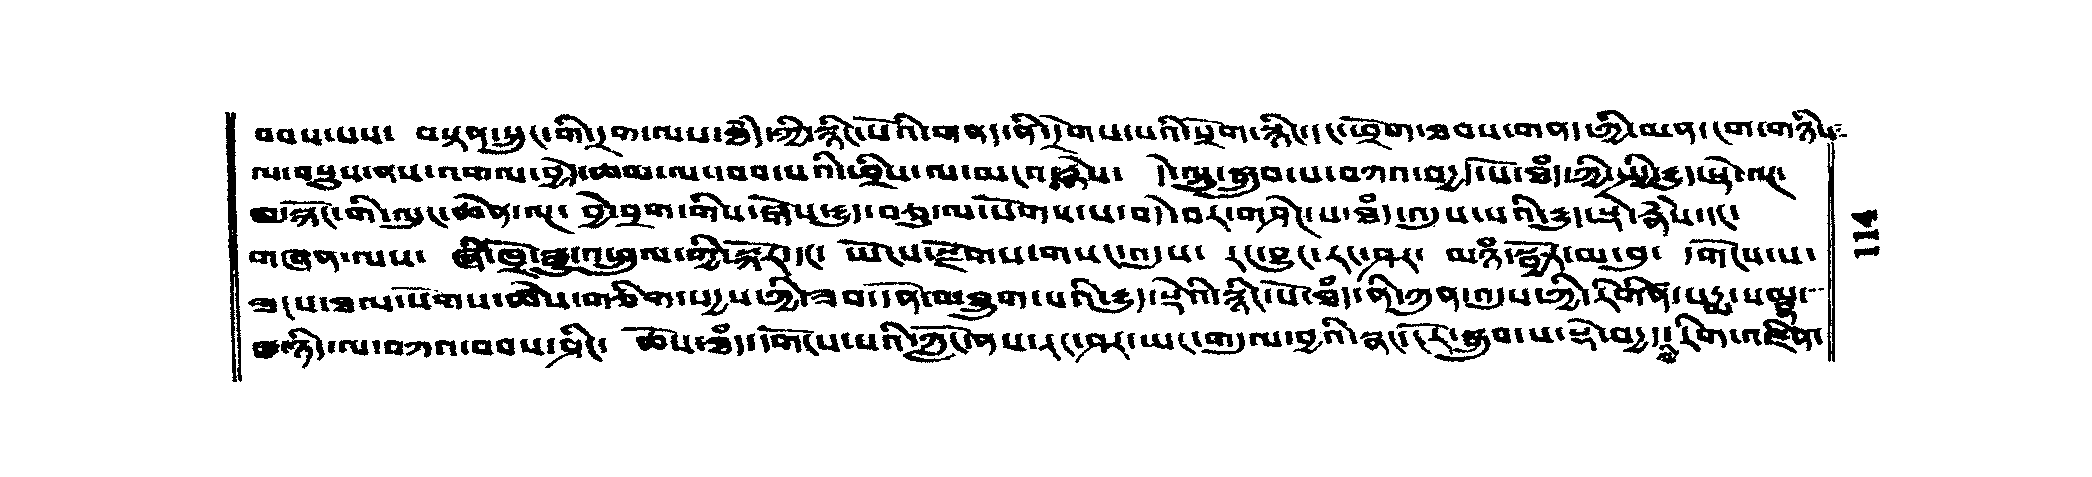བབས་པས། བསྟན་སྲུང་གི་དྲག་ལས་ཐམས་ཅད་ཀྱི་སྙིང་པོའི་གནད་ནི་དྲེགས་པའི་སྲོག་སྙིང་དང་ཕྲོག་ཐབས་གནད་ཀྱི་མན་ངག་གཉིས་
ལ་བསྡུས་ནས་འགལ་བྱེད་ཆམ་ལ་དབབ་པའི་ཕྲིན་ལས་ལ་མངའ་བརྙེས། དེ་ལྟ་བུ་སྒྲུབ་པ་བཀའ་བརྒྱད་པོ་ཐམས་ཅད་ཀྱི་སྤྱི་རྒྱུད་སྡེ་ལྔ་
ཁ་སྐོང་གི་ལུང་ཆེན་ལྔ། བྱེ་བྲག་གིས་སྒོས་རྒྱུད་བཅུ་ལ་སོགས་པ་བདེ་བར་གཤེགས་པ་ཐམས་ཅད་འདུས་པའི་རྒྱུད་སྡེ་རྣམས་དང་། 
གཞན་ལས། ཞི་ཁྲོ་སྒྱུ་འཕྲུལ་གྱི་སྐོར་དང་། ཡོངས་རྫོགས་གསང་འདུས། རང་བྱུང་རང་ཤར། མཉམ་སྦྱོར་མ་བུ། དགོངས་པ་
ཟངས་ཐལ་སོགས་ཚེས་གཅིག་སངས་རྒྱས་ཀྱི་ཟབ་དོན་མཐར་ཐུག་པའི་རྒྱུད་སྡེའི་སྙིང་པོ་ཐམས་ཅད་ནི་ཀུན་འདུས་ཀྱི་རིག་འཛིན་པདྨ་སམྦྷ་
ཝ་ཉིད་ལ་བཀའ་བབས་ཤིང་། ཆོས་ཐམས་ཅད་དགོངས་པའི་ཀློང་ནས་རང་ཤར་ཡང་གདུལ་བྱའི་སྣང་ངོར་སྒྲུབ་པ་སྡེ་བརྒྱད་ཀྱི་རིག་འཛིན་